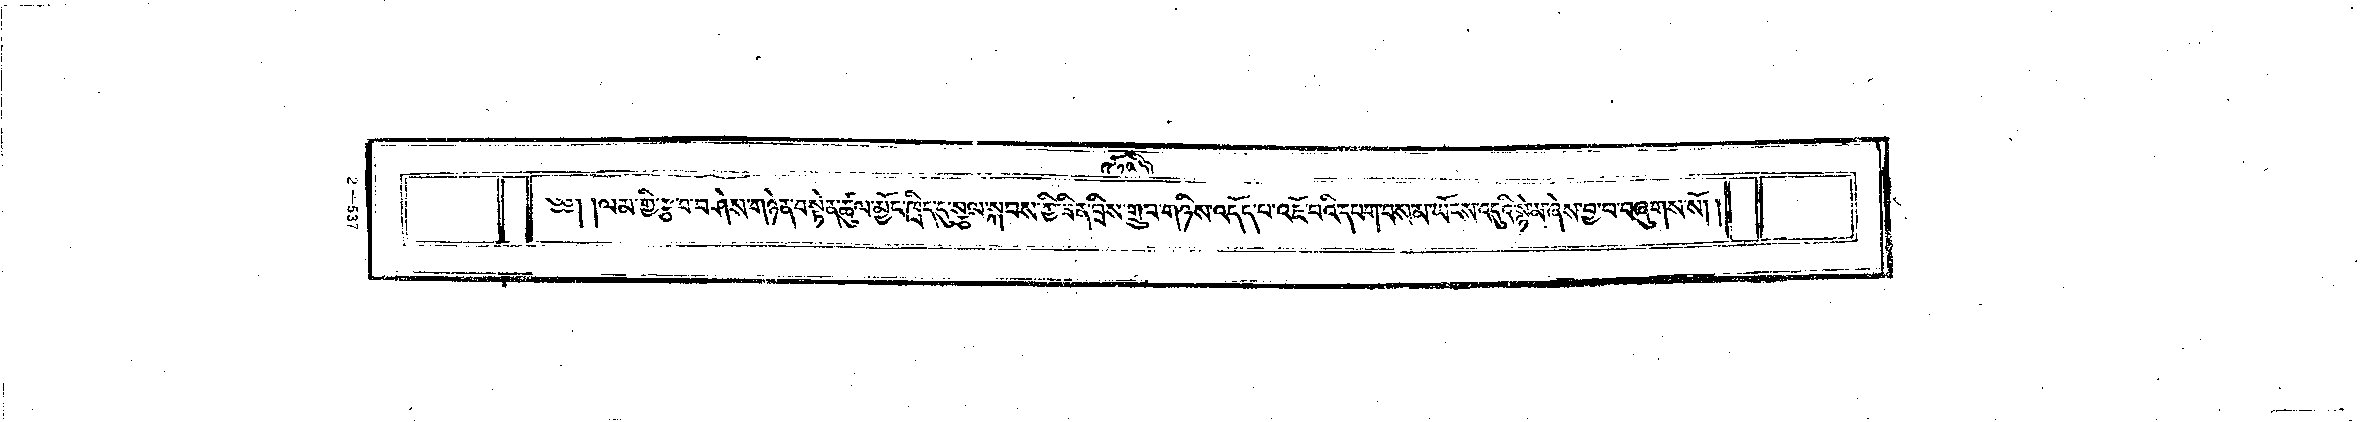༄༅། །ལམ་གྱི་རྩ་བ་བཤེས་གཉེན་བསྟེན་ཚུལ་མྱོང་ཁྲིད་དུ་སྩལ་སྐབས་ཀྱི་ཟིན་བྲིས་གྲུབ་གཉིས་འདོད་པ་འཇོ་བའི་དཔག་བསམ་ཡོངས་འདུའི་སྙེ་མ་ཞེས་བྱ་བ་བཞུགས་སོ།།